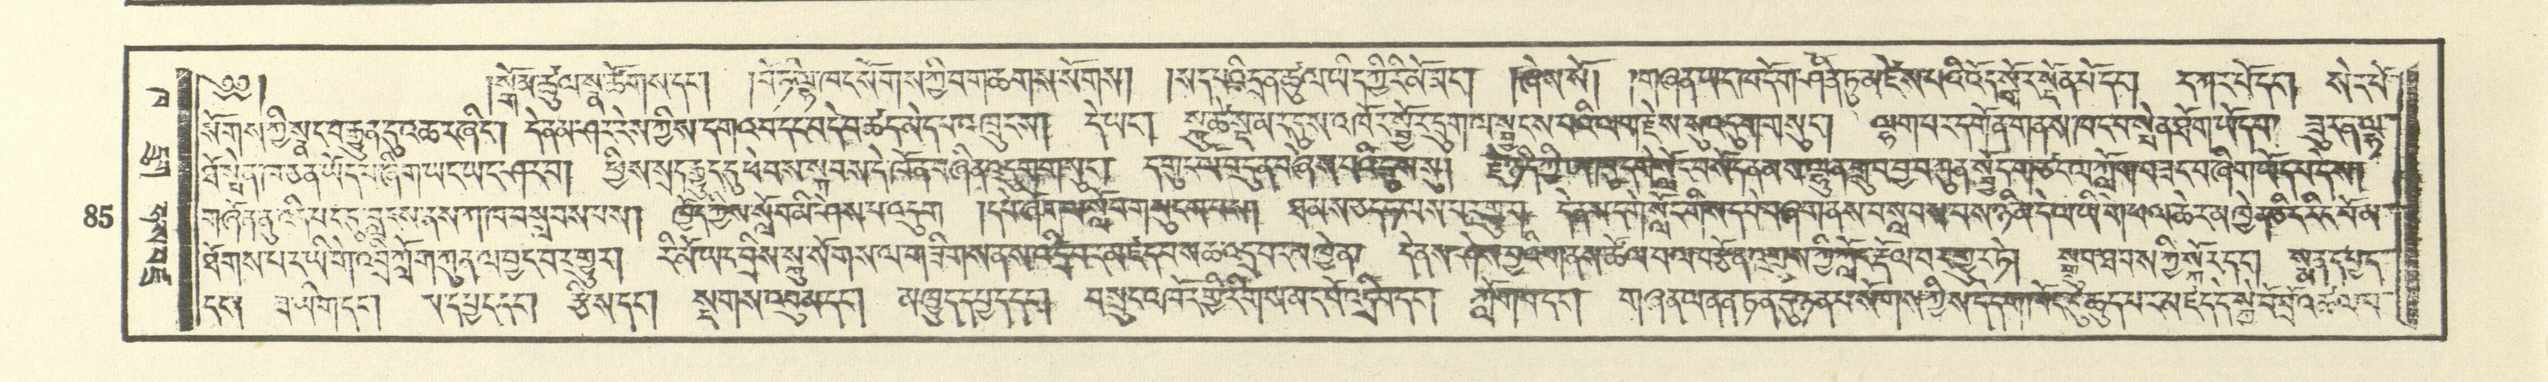༄༅། །སྒོམ་ཚུལ་སྣ་ཚོགས་དང་། །བོ་ཏི་ལྷ་ཁང་སོགས་ཀྱི་བག་ཆགས་སོགས། །སད་པའི་དྲན་ཚུལ་ཡིད་ཀྱི་རི་མོ་མང་། །ཞེས་སོ། །གཞན་ཡང་ཁ་དོག་ཤིན་ཏུ་མཛེས་པའི་འོད་སྒོར་སྔོན་པོ་དང་། དཀར་པོ་དང་། སེར་པོ་
སོགས་ཀྱི་སྣང་བ་རྒྱུན་དུ་འཆར་ཞིང་། དེ་ནམ་ཤར་རེས་ཀྱིས་དགའ་བ་དང་བདེ་བ་ཚད་མེད་པ་འཁྲུངས། དེ་ཡང་། སྐུ་ཚེ་སྔ་མར་དུས་འཁོར་སྦྱོར་དྲུག་ལ་སྦྱངས་པའི་ལག་རྗེས་སུ་འདུག་གསུང་། ལྷག་པར་དགོན་གནས་ཁང་པ་སྤེན་ཐོག་ཡོད་པ། ཟུར་ན་ལྷ་
ཐོ་སྤེན་ཁ་ཅན་ཡོད་པ་ཞིག་ཡང་ཡང་ཤར་བ། ཕྱིས་སྲད་རྒྱུད་དུ་ཕེབས་སྐབས་དེ་ཁོ་ན་བཞིན་འདུག་གསུངས། དགུང་ལོ་བདུན་བ་ཞེས་པའི་དུས་སུ། རྗེ་ཉིད་ཀྱི་ཨ་ཁུ་དགེ་སློང་བསོད་ནམས་ལྷུན་གྲུབ་བྱ་བ་ཀུན་སྤྱོད་གཙང་ལ་ཀློག་བཟང་བ་ཞིག་ཡོད་པ་དེས།
གཞོན་ནུ་འདི་པང་དུ་བླངས་ནས་ཀ་ཁ་བསླབས་པས། ཁྱོད་ཀྱིས་སློབ་མི་ཤེས་པ་འདུག །དཔེ་ཞོག་ལ་སློབ་གསུངས་པས། ཐམས་ཅད་ཧ་ལས་པར་གྱུར། དེ་ནས་དགེ་སློང་གིས་དཔེ་བཞག་ནས་བསླབས་པས་ཉི་མ་དེ་ལ་ཡི་གེ་ཕལ་ཆེར་མཁྱེན་ཅིང་རིང་པོ་མ་
ཐོགས་པར་ཡི་གེ་འབྲི་ཀློག་ཀུན་ལ་བྱང་བར་གྱུར། རི་མོ་ཡང་བྲིས་སྐུ་སོགས་ལ་གཟིགས་ནས་འདྲི་བར་མཛད་པས་ཆ་འདྲ་བར་མཁྱེན། དེ་ནས་ཤེས་བྱའི་གནས་ཚོལ་བ་ལ་བརྩོན་འགྲུས་ཀྱི་ཀློང་རྡོལ་བར་གྱུར་ཏེ། སྒྲུབ་ཐབས་ཀྱི་སྐོར་དང་། སྨན་དཔྱད་
དང༑ ཟ་ཡིག་དང་། ས་དཔྱད་དང་། རྩིས་དང་། སྔགས་འབུམ་དང་། མཁྱུད་དཔྱད་དང་། བསྲུང་འཁོར་གྱི་རིགས་མང་པོ་འདྲི་བ་དང་། ཀློག་པ་དང་། གཞན་ལ་ནན་ཏན་དུ་ཉན་པ་སོགས་ཀྱིས་དེ་དག་ཁོང་དུ་ཆུད་པར་མཛད་དེ་སྐྱེ་པོ་བྲོ་འཚལ་བ་